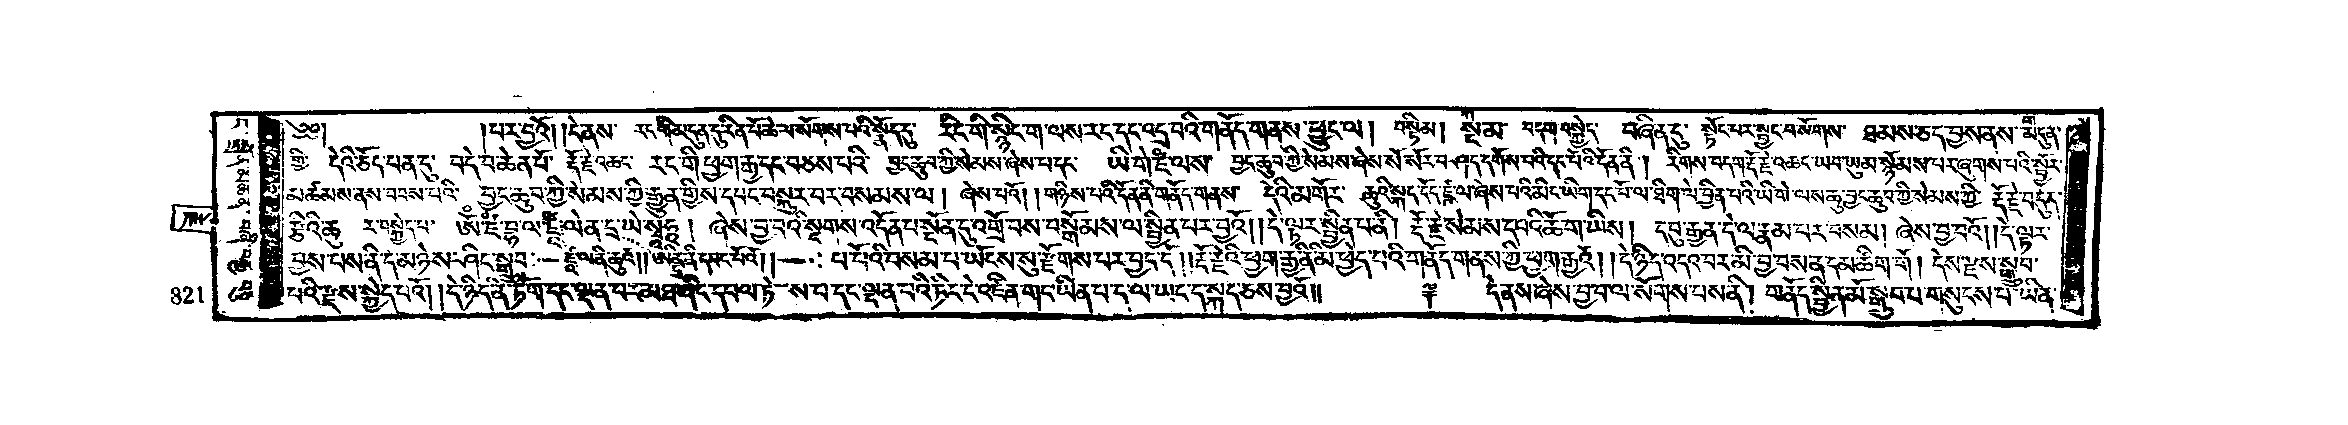༄༅། །པར་བྱའོ། །དེ་ནས་རང་གི་མདུན་དུ་རིན་པོ་ཆེ་ལ་སོགས་པའི་སྣོད་དུ་རང་གི་སྙིང་ག་ལས་རང་དང་འདྲ་བའི་གནོད་གནས་ཕྱུང་ལ། བསྟིམ། སྔ་མ་བདག་བསྐྱེད་བཞིན་དུ་སྟོང་པར་སྦྱང་བ་སོགས་ཐམས་ཅད་བྱས་ནས་མདུན་
གྱི་དེའི་ཅོད་པན་དུ་བདེ་བ་ཆེན་པོ་རྡོ་རྗེ་འཆང་རང་གི་ཕྱག་རྒྱ་དང་བཅས་པའི་བྱང་ཆུབ་ཀྱི་སེམས་ཞེས་པ་དང་ཡི་གེ་ཛཾ་ལས་བྱང་ཆུབ་ཀྱི་སེམས་ཞེས་སོ་སོར་བཤད་དགོས་པའི་དང་པོའི་དོན་ནི། རིགས་བདག་རྡོ་རྗེ་འཆང་ཡབ་ཡུམ་སྙོམས་པར་ཞུགས་པའི་སྦྱོར་
མཚམས་ནས་བབས་པའི་བྱང་ཆུབ་ཀྱི་སེམས་ཀྱི་རྒྱུན་གྱིས་དབང་བསྐུར་བར་བསམས་ལ། ཞེས་པའོ། །གཉིས་པའི་དོན་ནི་གནོད་གནས་དེའི་མགོར་ཆུའི་སྐད་དོད་ཛཱ་ལ་ཞེས་པའི་མིང་ཡིག་དང་པོ་ལ་ཐིག་ལེ་བྱིན་པའི་ཡི་གེ་ལས་ཆུ་བྱང་ཆུབ་ཀྱི་སེམས་ཀྱི་རྡོ་རྗེ་བདུད་
རྩིའི་ཚུར་བསྐྱེད་པ་ཨོཾ་ཛཾ་བྷ་ལ་ཛའཾ་ལེན་དྲ་ཡེ་སྭཧཱ། ཞེས་བྱ་བའི་སྔགས་འདོན་པ་སྔོན་དུ་འགྲོ་བས་བསྒོམས་ལ་སྦྱིན་པར་བྱའོ། །དེ་ལྟར་སྦྱིན་པ་ནི། རྡོ་རྗེ་སེམས་དཔའི་ཆོ་ག་ཡིས། དབུ་རྒྱན་དེ་ལ་རྣམ་པར་བསམ། ཞེས་བྱ་བའོ། །དེ་ལྟར་
བྱས་པས་ནི་དེ་མཉེས་ཤིང་སྒྲུབཿ་ཛཱ་ལ་ནི་ཆུའོ། །ཨིནྡྲ་ནི་དབང་པོའོ། །.Hཔ་པོའི་བསམ་པ་ཡོངས་སུ་རྫོགས་པར་བྱད་དོ། །རྡོ་རྗེའི་ཕྱག་རྒྱ་ནི་མི་ཕྱེད་པའི་གནོད་གནས་ཀྱི་ཕྱག་རྒྱའོ། །དེ་ཉིད་འདའ་བར་མི་བྱ་བས་ན་དམ་ཚིག་གོ །དེས་རྫས་སྒྲུབ་
པའི་རྫས་སྐྱེད་པའོ། །དེ་ཉིད་ནི་ཐོག་དང་ལྡན་བར་མཐའ་ཞིང་དཔལ་ཏེ་ནུས་པ་དང་ལྡན་པའི་ཏིང་ངེ་འཛིན་གང་ཡིན་པ་དེ་ལ་ཡང་དེ་སྐད་ཅེས་བྱའོ།། ༈ དེ་ནས་ཞེས་བྱ་བ་ལ་སོགས་པས་ནི། གནོད་སྦྱིན་མོ་སྒྲུབ་པ་གསུངས་པ་ཡིན་